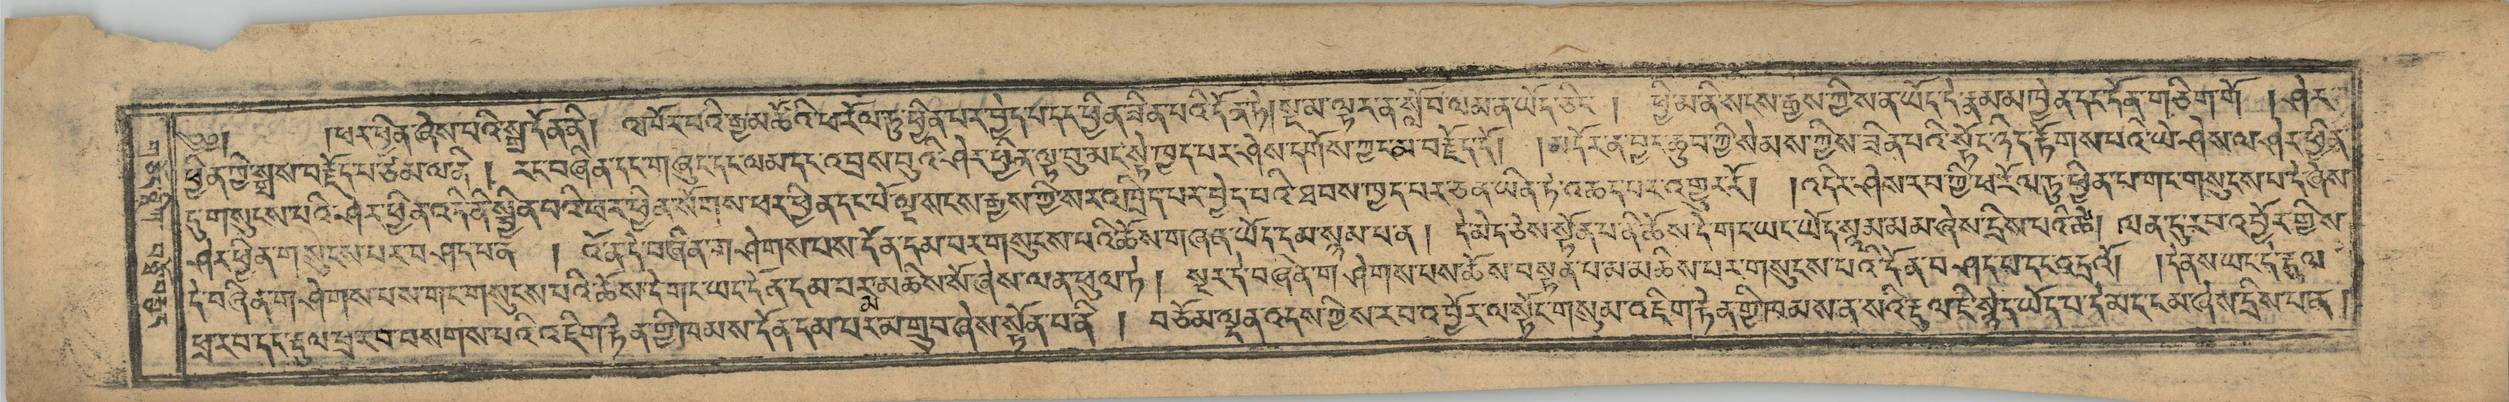༄༅། །ཕར་ཕྱིན་ཞེས་པའི་སྒྲ་དོན་ནི། འཁོར་བའི་རྒྱ་མཚོའི་ཕ་རོལ་ཏུ་ཕྱིན་པར་བྱེད་པ་དང་ཕྱིན་ཟིན་པའི་དོན་ཏེ། སྔ་མ་ལྟར་ན་སློབ་ལམ་ན་ཡོད་ཅིང་། ཕྱི་མ་ནི་སངས་རྒྱས་ཀྱི་ས་ན་ཡོད་དེ་རྣམ་མཁྱེན་དང་དོན་གཅིག་གོ །ཤེར་
ཕྱིན་གྱི་སྒྲས་བརྗོད་པ་ཙམ་ལ་ནི། རང་བཞིན་དང་གཞུང་དང་ལམ་དང་འབྲས་བུའི་ཤེར་ཕྱིན་ལྟ་བུ་མང་སྟེ་ཁྱད་པར་ཤེས་དགོས་ཀྱང་མ་བརྗོད་དོ། །མདོར་ན་བྱང་ཆུབ་ཀྱི་སེམས་ཀྱིས་ཟིན་པའི་སྟོང་ཉིད་རྟོགས་པའི་ཡེ་ཤེས་ལ་ཤེར་ཕྱིན་
དུ་གསུངས་པའི་ཤེར་ཕྱིན་འདི་ནི་སྦྱིན་པའི་ཕར་ཕྱིན་སོགས་ཕར་ཕྱིན་དང་པོ་ལྔ་སངས་རྒྱས་ཀྱི་སར་འཁྲིད་པར་བྱེད་པའི་ཐབས་ཁྱད་པར་ཅན་ཡིན་ཏེ་འཆད་པར་འགྱུར་རོ། །འདིར་ཤེས་རབ་ཀྱི་ཕ་རོལ་ཏུ་ཕྱིན་པ་གང་གསུངས་པ་དེ་ཞེས་
ཤེར་ཕྱིན་གསུངས་པར་བཤད་པ་ནི། འོ་ན་དེ་བཞིན་གཤེགས་པས་དོན་དམ་པར་གསུངས་པའི་ཆོས་གཞན་ཡོད་དམ་སྙམ་པ་ན། དེ་མེད་ཅེས་སྟོན་པ་ནི་ཆོས་དེ་གང་ཡང་ཡོད་སྙམ་མམ་ཞེས་དྲིས་པའི་ཚེ། ལན་དུ་རབ་འབྱོར་གྱིས་
དེ་བཞིན་གཤེགས་པས་གང་གསུངས་པའི་ཆོས་དེ་གང་ཡང་དོན་དམ་པར་མ་མཆིས་སོ་ཞེས་ལན་ཕུལ་ཏེ། སྔར་དེ་བཞིན་གཤེགས་པས་ཆོས་བསྟན་པ་མ་མཆིས་པར་གསུངས་པའི་དོན་བཤད་པ་དང་འདྲའོ། །དེ་ནས་ཡང་དེ་རྡུལ་
ཕྲ་རབ་དང་རྡུལ་ཕྲ་རབ་བསགས་པའི་འཇིག་རྟེན་གྱི་ཁམས་དོན་དམ་པར་མ་གྲུབ་ཞེས་སྟོན་པ་ནི། བཅོམ་ལྡན་འདས་ཀྱིས་རབ་འབྱོར་ལ་སྟོང་གསུམ་འཇིག་རྟེན་གྱི་ཁམས་ན་སའི་རྡུལ་ཇི་སྙེད་ཡོད་པ་དེ་མང་ངམ་ཞེས་དྲིས་པར།